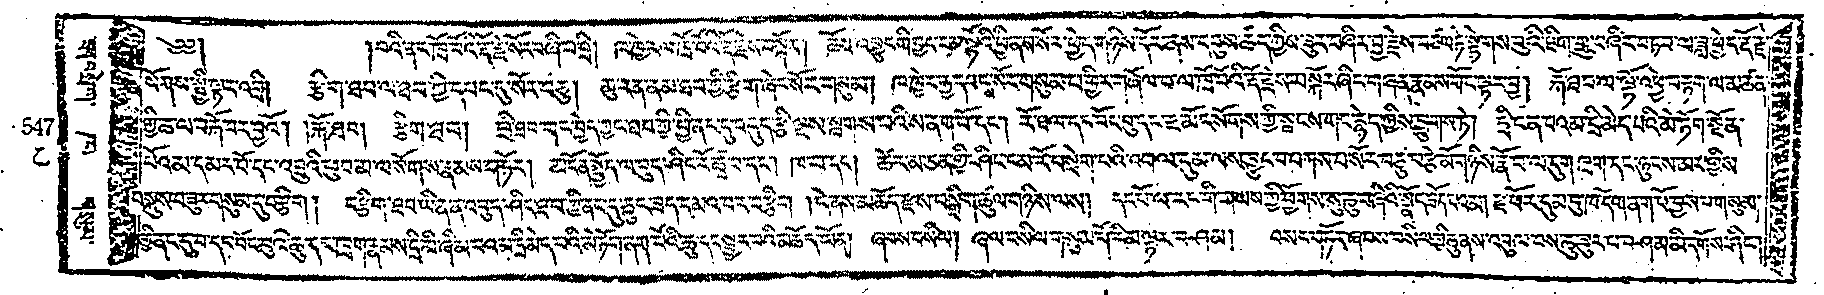༄༅། །བའི་ནང་ཁྲོ་བོའི་རྡོ་རྗེ་སོར་བཞི་བ་བྲི། ཁ་ཁྱེར་ལ་ཁྲོ་བོའི་རྡོ་རྗེས་བསྐོར། ཆོས་འབྱུང་གི་བྱང་ངམ་ལྷོའི་ཕྱི་ནས་སོར་ཕྱེད་གཉིས་དོར་ནས་དབུས་ཚད་ཀྱིས་ཟུར་བཞིར་བྱ་རྗེས་བཙལ་ཏེ་སྟེགས་བུའི་ཐིག་གྲུ་བཞིར་བཏབ་ལ་ཟླ་ཕྱེད་རྡོ་རྗེ་
སོགས་སྤྱི་ལྟར་འབྲི། རྩིག་ཐབ་ལ་ཐབ་ཀྱི་དབང་དུ་སོར་བཅུ། མུ་རན་ནམ་ཐབ་ཀྱི་རྩིག་ཞེང་སོར་གསུམ། ཁ་ཁྱེར་རྒྱ་དཔངས་སོར་གསུམ་པ་ཕྱིར་གཞོལ་བ་ལ་ཁྲོ་བོའི་རྡོ་རྗེས་བསྐོར་ཞིང་གཞན་རྣམས་གོང་ལྟར་བྱ། རྐོ་ཐབ་ལ་ལྟོ་འཕྱེ་བརྟག་ལ་མཚན་
གྱི་ཆ་ལ་བརྐོ་བར་བྱའོ། །རྐོ་ཐབ། རྩིག་ཐབ། བྲི་ཐབ་གང་བྱེད་ཀྱང་ཐབ་ཀྱི་ཕྱི་ནང་དུ་བདུད་རྩི་ལྔས་སྦགས་པའི་ས་ནག་པོ་དང་། རོ་ཐལ་དང་བོང་བུ་དང་རྔ་མོང་སོགས་ཀྱི་སྤངས་གང་རྙེད་ཀྱིས་བྱུགས་ཏེ། དྲི་ངན་པའམ་དྲི་མེད་པའི་མེ་ཏོག་སྔོན་
པོའམ་དམར་པོ་དང་འབྲུའི་ཕུབ་མ་ལ་སོགས་རྣམས་གཏོར། མངོན་སྤྱོད་ལ་བུད་ཤིང་རོ་ཚྭ་བ་དང་། ཁ་བ་དང་། ཚེར་མ་ཅན་གྱི་ཤིང་ངམ་རོ་བསྲེག་པའི་འགལ་དུམ་ལས་བྱུང་བ་བཀས་པ་སོར་བཅུ་པ་རྩེ་མོ་གཉིས་རྣོ་བ་ལ་དུག་ཁྲག་དང་ཉུངས་མས་གྱིས་
བསྐུས་བཟུར་གསུམ་དུ་བརྩིག། བརྩིག་ཐབ་ཡིན་ན་འབུད་ཤིང་ཐབ་ཀྱི་ནང་དུ་ཅུང་ཟད་དམའ་བར་བརྩིག །དེ་ནས་མཆོད་རྫས་བསྒྲིག་ཚུལ་གཉིས་ལས། དང་པོ་ལ་རང་གི་གཡས་ཀྱི་ཕྱོགས་སུ་ཆུ་བཞིའི་སྣོད་ཐོད་པའམ། རྫ་པོར་དུམ་བུ་ཁ་དོག་ནག་པོ་བྱས་པ་གསུམ་
གྱི་ནང་དུ་བ་དང་བོང་བུའི་ཆུ་དང་ཁྲག་རྣམས་དྲི་མི་ཞིམ་པའམ་དྲི་མེད་པའི་མེ་ཏོག་ནག་པོའི་ཆུ་དང་སྦྱར་བའི་མཆོད་ཡོན། ཞབས་བསིལ། ཞལ་བསིལ་གསུམ་གོ་རིམ་ལྟར་བཤམ། བསང་གཏོར་ཞབས་བསིལ་གྱི་ཆུ་ནས་འབུལ་བས་ཆུ་ཟུར་བ་བཤམ་མི་དགོས་ཤིང་།